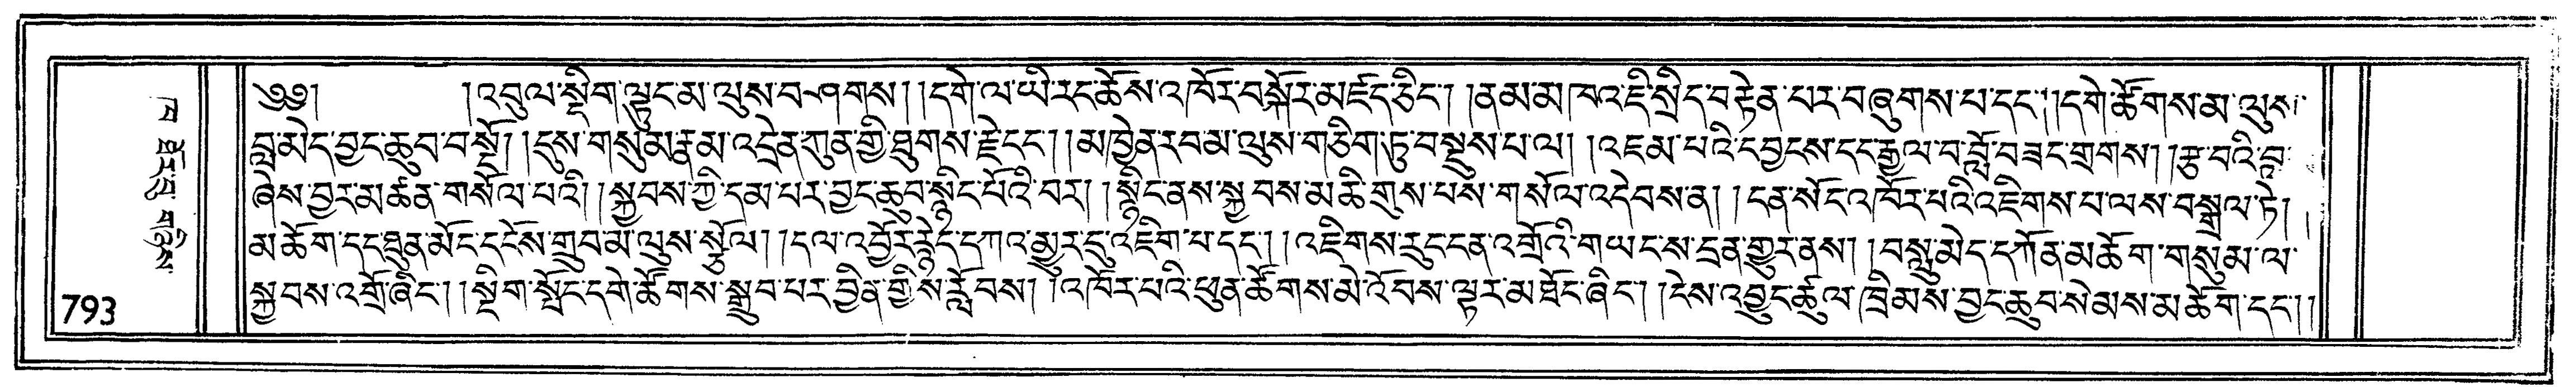༄༅། །འབུལ་སྡིག་ལྟུང་མ་ལུས་བཤགས། །དགེ་ལ་ཡི་རང་ཆོས་འཁོར་བསྐོར་མཛད་ཅིང་། །ནམ་མཁའ་ཇི་སྲིད་བརྟེན་པར་བཞུགས་པ་དང་། །དགེ་ཚོགས་མ་ལུས་
བླ་མེད་བྱང་ཆུབ་བསྔོ། །དུས་གསུམ་རྣམ་འདྲེན་ཀུན་གྱི་ཐུགས་རྗེ་དང་། །མཁྱེན་རབ་མ་ལུས་གཅིག་ཏུ་བསྡུས་པ་ལ། །འཇམ་པའི་དབྱངས་དང་རྒྱལ་བ་བློ་བཟང་གྲགས། །རྩ་བའི་བླ་
ཞེས་བྱར་མཚན་གསོལ་པའི། །སྐྱབས་ཀྱི་དམ་པར་བྱང་ཆུབ་སྙིང་པོའི་བར། །སྙིང་ནས་སྐྱབས་མཆི་གུས་པས་གསོལ་འདེབས་ན། །ངན་སོང་འཁོར་བའི་འཇིགས་པ་ལས་བསྒྲལ་ཏེ། །
མཆོག་དང་ཐུན་མོང་དངོས་གྲུབ་མ་ལུས་སྩོལ། །དལ་འབྱོར་རྙེད་དཀའ་མྱུར་དུ་འཇིག་པ་དང་། །འཇིགས་རུང་ངན་འགྲོའི་གཡང་ས་དྲན་གྱུར་ནས། །བསླུ་མེད་དཀོན་མཆོག་གསུམ་ལ་
སྐྱབས་འགྲོ་ཞིང་། །སྡིག་སྤོང་དགེ་ཚོགས་སྒྲུབ་པར་བྱིན་གྱིས་རློབས། །འཁོར་པའི་ཕུན་ཚོགས་མེ་འོ་བས་ལྟར་མཐོང་ཞིང་། །ངེས་འབྱུང་ཚུལ་ཁྲིམས་བྱང་ཆུབ་སེམས་མཆོག་དང་། །